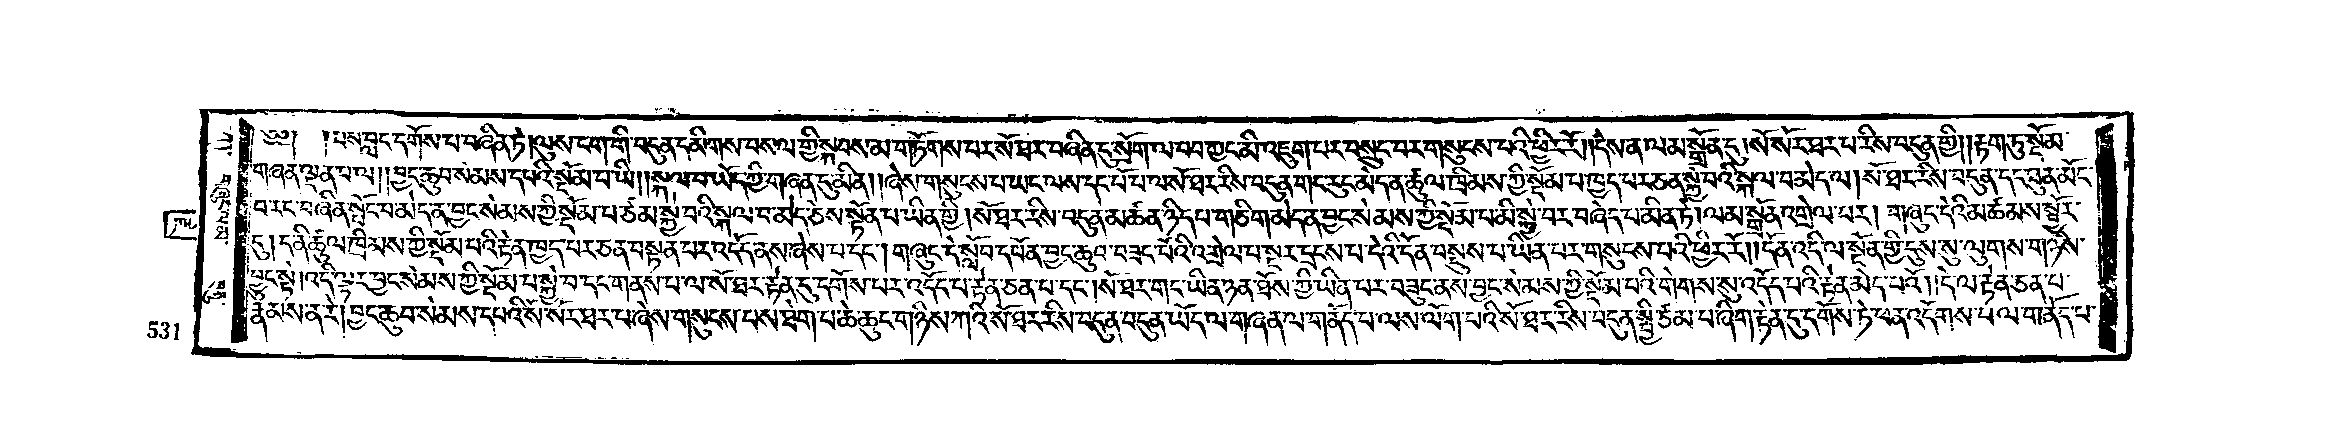༄༅། །པས་བླང་དགོས་པ་བཞིན་ཏེ། ལུས་ངག་གི་བདུན་དམིགས་བསལ་གྱི་སྐབས་མ་གཏོགས་པར་སོ་ཐར་བཞིན་དུ་སྲོག་ལ་བབ་ཀྱང་མི་འཇུག་པར་བསྲུང་བར་གསུངས་པའི་ཕྱིར་རོ། །དེས་ན་ལམ་སྒྲོན་དུ། སོ་སོར་ཐར་པ་རིས་བདུན་གྱི། །རྟག་ཏུ་སྡོམ་
གཞན་ལྡན་པ་ལ། །བྱང་ཆུབ་སེམས་དཔའི་སྡོམ་པ་ཡི། །སྐལ་བ་ཡོད་ཀྱི་གཞན་དུ་མིན། །ཞེས་གསུངས་པ་ཡང་ལས་དང་པོ་པ་ལ་སོ་ཐར་རིས་བདུན་གང་རུང་མེད་ན་ཚུལ་ཁྲིམས་ཀྱི་སྡོམ་པ་ཁྱད་པར་ཅན་སྐྱེ་བའི་སྐལ་བ་མེད་ལ། སོ་ཐར་རིས་བདུན་དང་ཐུན་མོང་
བ་རང་བཞིན་སྤོང་བ་མེད་ན་བྱང་སེམས་ཀྱི་སྡོམ་པ་ཙམ་སྐྱེ་བའི་སྐལ་བ་མེད་ཅེས་སྟོན་པ་ཡིན་གྱི། སོ་ཐར་རིས་བདུན་མཚན་ཉིད་པ་གཅིག་མེད་ན་བྱང་སེམས་ཀྱི་སྡོམ་པ་མི་སྐྱེ་བར་བཞེད་པ་མིན་ཏེ། ལམ་སྒྲོན་འགྲེལ་པར། གཞུང་དེའི་མཚམས་སྦྱོར་
དུ། ད་ནི་ཚུལ་ཁྲིམས་ཀྱི་སྡོམ་པའི་རྟེན་ཁྱད་པར་ཅན་བསྟན་པར་འདོད་ནས་ཞེས་པ་དང་། གཞུང་དེ་སློབ་དཔོན་བྱང་ཆུབ་བཟང་པོའི་འགྲེལ་པ་སྔར་དྲངས་པ་དེའི་དོན་བསྡུས་པ་ཡིན་པར་གསུངས་པའི་ཕྱིར་རོ། །དོན་འདི་ལ་སྔོན་གྱི་དུས་སུ་ལུགས་གཉིས་
བྱུང་སྟེ། འདི་ལྟར་བྱང་སེམས་ཀྱི་སྡོམ་པ་སྐྱེ་བ་དང་གནས་པ་ལ་སོ་ཐར་རྟེན་དུ་དགོས་པར་འདོད་པ་རྟེན་ཅན་པ་དང་། སོ་ཐར་གང་ཡིན་ཉན་ཐོས་ཀྱི་ཡིན་པར་བཟུང་ནས་བྱང་སེམས་ཀྱི་སྡོམ་པའི་གེགས་སུ་འདོད་པའི་རྟེན་མེད་པའོ། །དེ་ལ་རྟེན་ཅན་པ་
རྣམས་ན་རེ། བྱང་ཆུབ་སེམས་དཔའི་སོ་སོར་ཐར་པ་ཞེས་གསུངས་པས་ཐེག་པ་ཆེ་ཆུང་གཉིས་ཀའི་སོ་ཐར་རིས་བདུན་བདུན་ཡོད་ལ་གཞན་ལ་གནོད་པ་ལས་ལོག་པའི་སོ་ཐར་རིས་བདུན་སྤྱི་ཙམ་པ་ཞིག་རྟེན་དུ་དགོས་ཏེ་ཕན་འདོགས་པ་ལ་གནོད་པ་